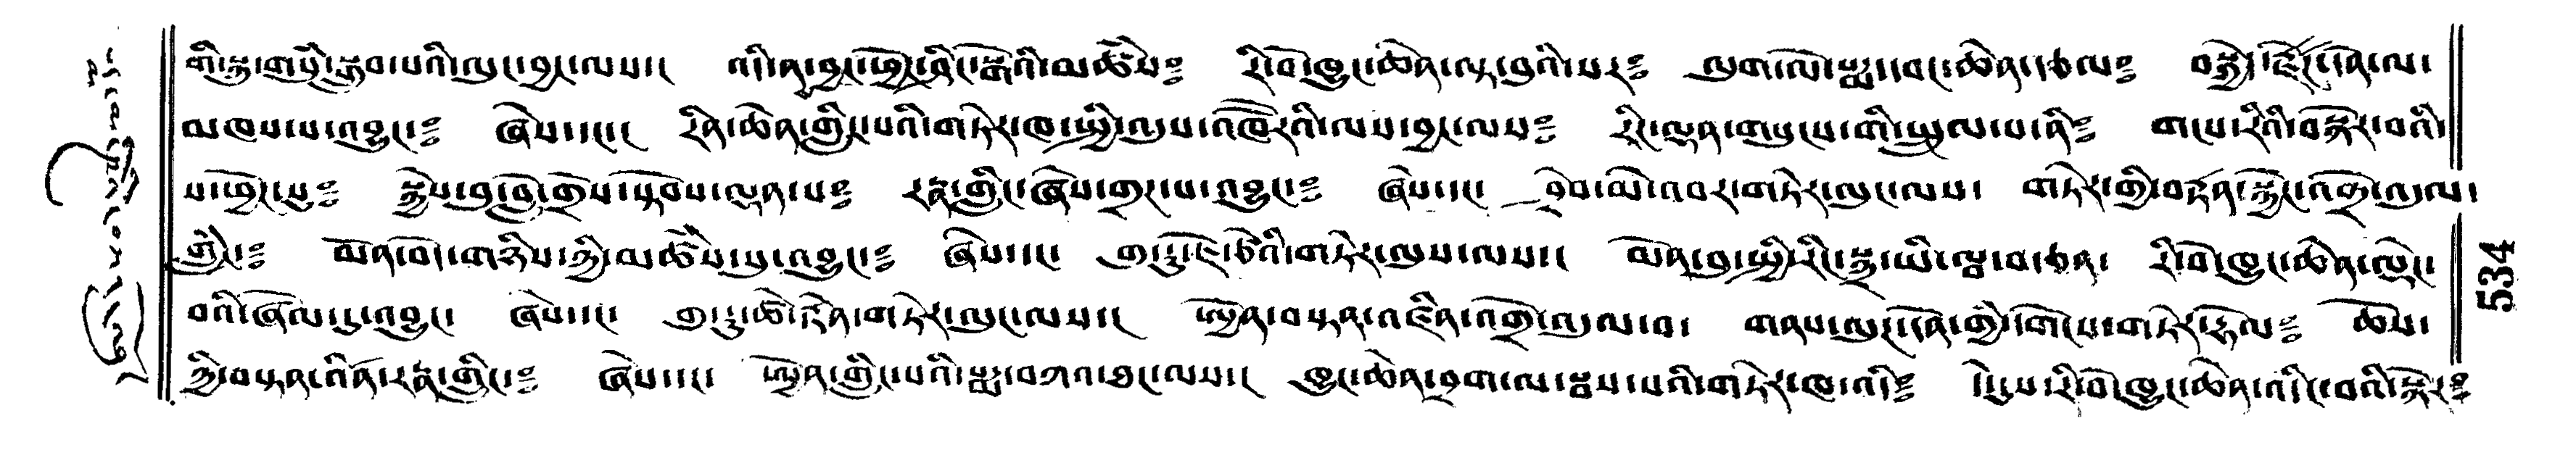གི་སྐུ་གསུམ་སྒྲུབ་པའི་ལུང་བྱང་ལས་འདི་ནས་བྱང་ཕྱོགས་ཤིང་སྒོའི་མཚམས༔ རི་བོ་ཁྱུང་ཆེན་ལྟ་བུའི་སར༔ ལུག་ལོ་པདྨ་དབང་ཆེན་རྩལ༔ བསྐྱེད་རྫོགས་དོན་ལ་
མཁས་པ་འབྱུང༔ ཞེས་དང་། རིན་ཆེན་གླིང་པའི་གཏེར་ཁ་སྤྱི་འདུས་འཁོར་ལོའི་ལས་བྱང་ལས།རིགས་ལྡན་གསུང་གི་སྤྲུལ་པ་ནི༔ གངས་རིའི་བསྐོར་བའི་
ས་ཕྱོགས་སུ༔ སྐྱེས་བུ་བློ་གྲོས་སྟོབས་ལྡན་པ༔ རཏྣ་གླིང་ཞེས་གྲགས་པ་འབྱུང༔ ཞེས་དང་། ཤེས་རབ་མེ་འབར་གཏེར་ལུང་ལས། གཏེར་གྱི་བསྟན་སྐྱོང་འགྲོ་འདུལ་
གླིང༔ མོན་བོད་གཉིས་ཀྱི་མཚམས་སུ་འབྱུང༔ ཞེས་དང་། གུ་རུ་ཇོ་ཙེའི་གཏེར་ལུས་ལས། མོན་བུ་སྤྱི་རིང་སྐྲ་ཡི་ལྭ་བ་ཅན༔ རི་བོ་ཁྱུང་ཆེན་ལྡང་
བའི་ཞོལ་དུ་འབྱུང༔ ཞེས་དང་གུ་རུ་ཚེ་བརྟན་གཏེར་ལུང་ལས། ཨོ་རྒྱན་བསྟན་འཛིན་འགྲོ་འདུལ་བ༔ གནས་ལུགས་དོན་གྱི་དགོངས་གཏེར་རྡོལ༔ ཆོས་
ཀྱི་བསྟན་འཛིན་རཏྣ་གླིང༔ ཞེས་དང་། ཨོ་རྒྱན་གླིང་པའི་པདྨ་བཀའ་ཐང་ལས། ཁྱུང་ཆེན་བྲག་ལ་སྦས་པའི་གཏེར་ཁ་འདི༔ དེ་དུས་རི་བོ་ཁྱུང་ཆེན་ལྡིང་བའི་སྐོར༔